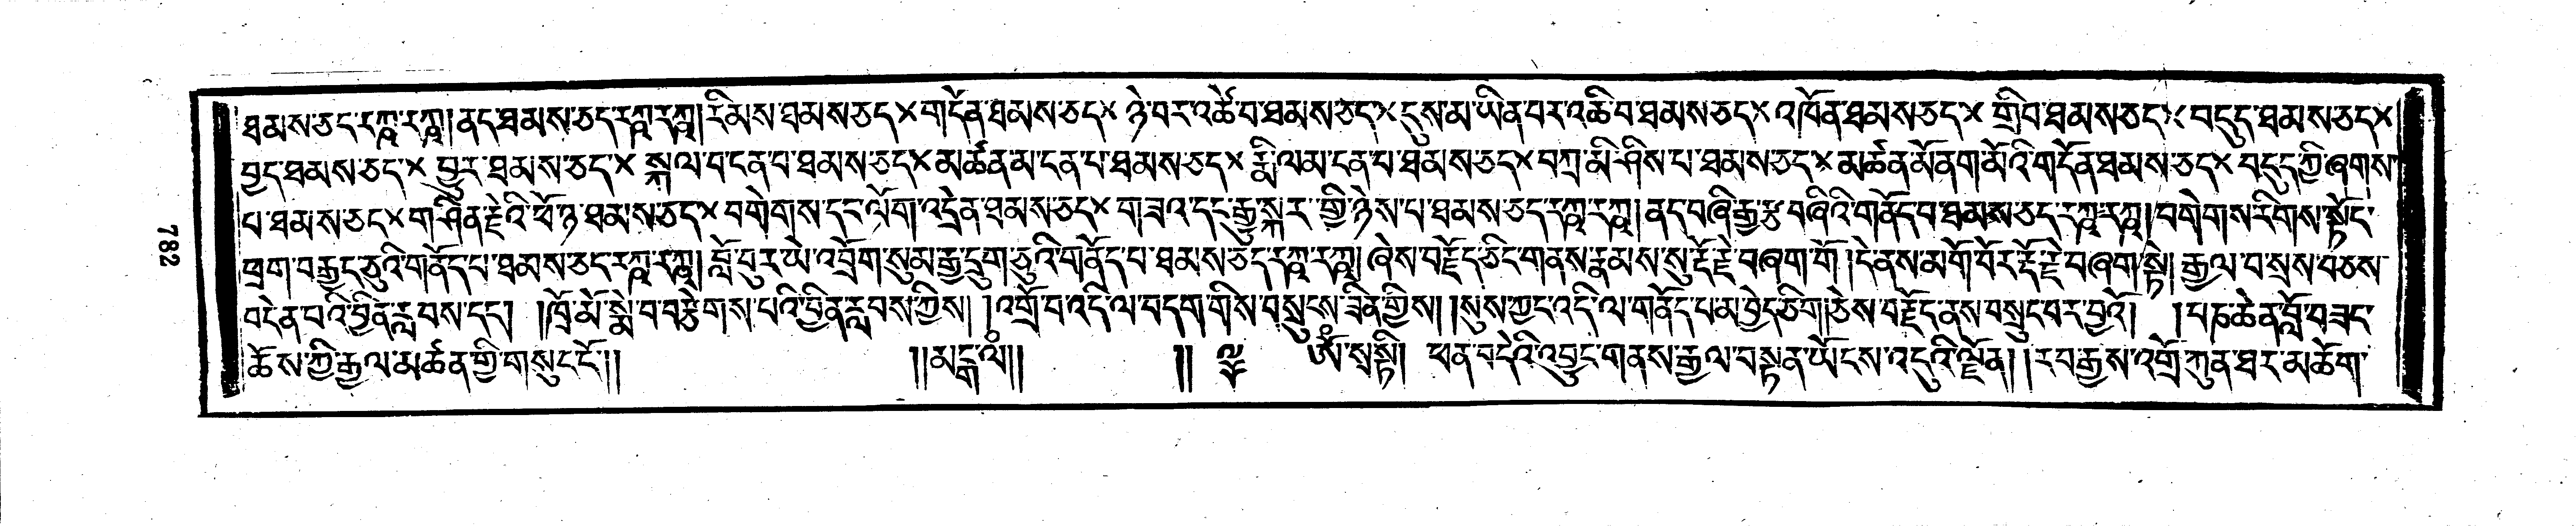ཐམས་ཅད་རཀྵ་རཀྵ། ནད་ཐམས་ཅད་རཀྵ་རཀྵ། རིམས་ཐམས་ཅད་྾་གདོན་ཐམས་ཅད་྾་ཉེ་བར་འཚེ་བ་ཐམས་ཅད་྾་དུས་མ་ཡིན་པར་འཆི་བ་ཐམས་ཅད་྾་འཁོན་ཐམས་ཅད་྾་གྲིབ་ཐམས་ཅད་྾་བདུད་ཐམས་ཅད་྾་
བྱད་ཐམས་ཅད་྾་བྱུར་ཐམས་ཅད་྾་སྐལ་བ་ངན་པ་ཐམས་ཅད་྾་མཚན་མ་ངན་པ་ཐམས་ཅད་྾་རྨི་ལམ་ངན་པ་ཐམས་ཅད་྾་བཀྲ་མི་ཤིས་པ་ཐམས་ཅད་྾་མཚན་མོ་ནག་མོའི་གདོན་ཐམས་ཅད་྾་བདུད་ཀྱི་ཞགས་
པ་ཐམས་ཅད་྾་གཤིན་རྗེའི་ཕོ་ཉ་ཐམས་ཅད་྾་བགེགས་དང་ལོག་འདྲེན་ཐམས་ཅད་྾་གཟའ་དང་རྒྱུ་སྐར་གྱི་ཉེས་པ་ཐམས་ཅད་རཀྵ་རཀྵ། ནད་བཞི་རྒྱ་རྩ་བཞིའི་གནོད་པ་ཐམས་ཅད་རཀྵ་རཀྵ། བགེགས་རིགས་སྟོང་
ཕྲག་བརྒྱད་ཅུའི་གནོད་པ་ཐམས་ཅད་རཀྵ་རཀྵ། བློ་བུར་ཡེ་འབྲོག་སུམ་རྒྱ་དྲུག་ཅུའི་གནོད་པ་ཐམས་ཅད་རཀྵ་རཀྵ། ཞེས་བརྗོད་ཅིང་གནས་རྣམས་སུ་རྡོ་རྗེ་བཞག་གོ །དེ་ནས་མགོ་བོར་རྡོ་རྗེ་བཞག་སྟེ། རྒྱལ་བ་སྲས་བཅས་
བདེན་པའི་བྱིན་རླབས་དང་། །ཁྲོ་མོ་སྨེ་བ་བརྩེགས་པའི་བྱིན་རླབས་ཀྱིས། །འགྲོ་བ་འདི་ལ་བདག་གིས་བསྲུངས་ཟིན་གྱིས། །སུས་ཀྱང་འདི་ལ་གནོད་པ་མ་བྱེད་ཅིག །ཅེས་བརྗོད་ནས་བསྲུང་བར་བྱའོ། །པཎ་ཆེན་བློ་བཟང་
ཆོས་ཀྱི་རྒྱལ་མཚན་གྱི་གསུང་ངོ།། །།མངྒ་ལཾ།། །། ༈ ཨོཾ་སྭ་སྟི། ཕན་བདེའི་འབྱུང་གནས་རྒྱལ་བསྟན་ཡོངས་འདུའི་ལྗོན། །རབ་རྒྱས་འགྲོ་ཀུན་ཐར་མཆོག་